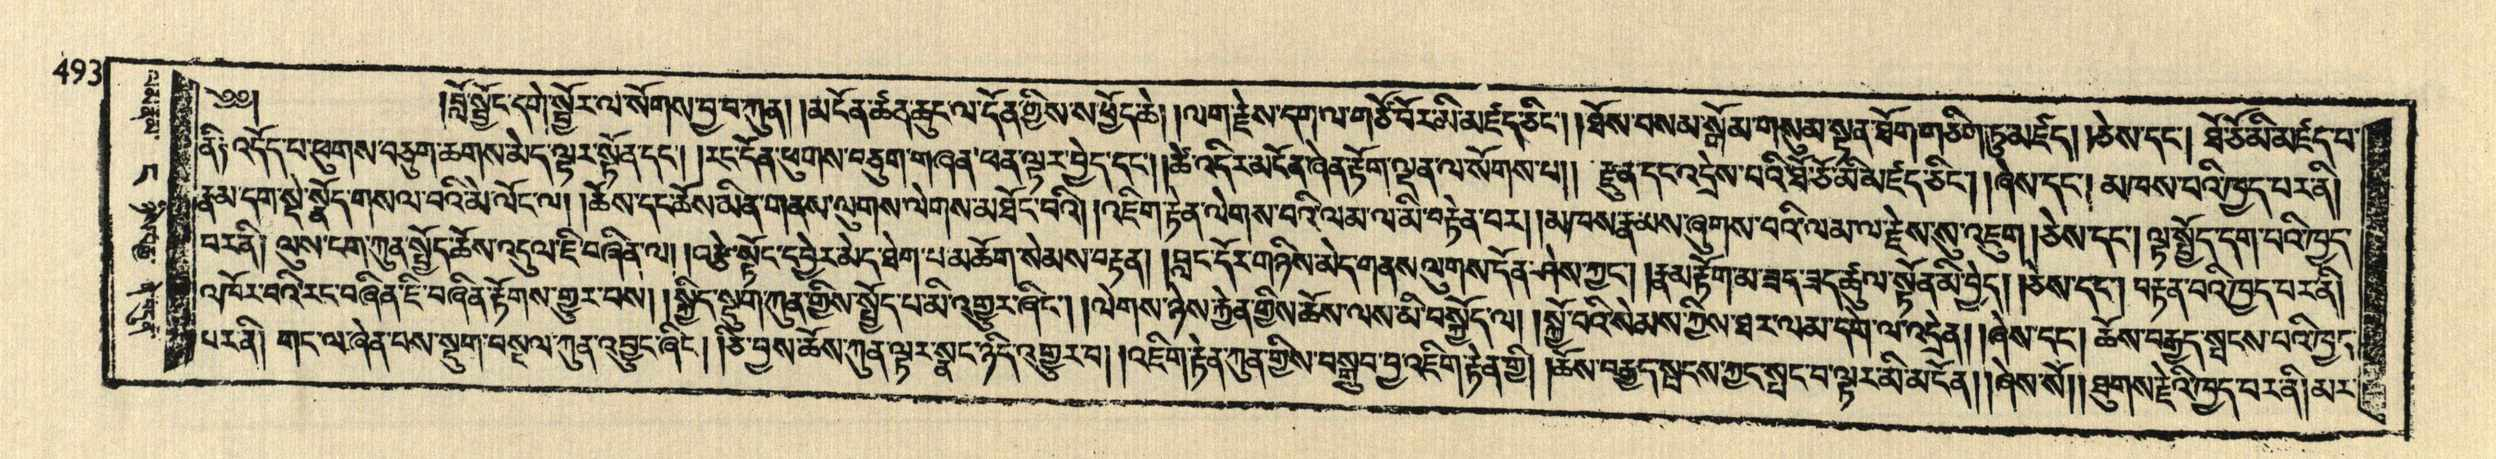༄༅། །བློ་སྦྱོང་དགེ་སྦྱོར་ལ་སོགས་བྱ་བ་ཀུན། །མངོན་ཚན་ཆུང་ལ་དོན་གྱིས་ས་ཕྱོད་ཆེ། །ལག་རྗེས་དག་ལ་གཙོ་བོར་མི་མཛད་ཅིང་། །ཐོས་བསམ་སྒོམ་གསུམ་སྟན་ཐོག་གཅིག་ཏུ་མཛད། །ཅེས་དང་། ཐོ་ཅོ་མི་མཛད་པ་
ནི༑ འདོད་པ་ཕུགས་བཅུག་ཆགས་མེད་ལྟར་སྟོན་དང་། །རང་དོན་ཕུགས་བཅུག་གཞན་ཕན་ལྟར་བྱེད་དང་། །ཚེ་འདིར་མངོན་ཞེན་རྟོག་ལྡན་ལ་སོགས་པ།། རྫུན་དང་འདྲེས་བའི་ཐོ་ཅོ་མི་མཛད་ཅིང་། །ཞེས་དང་། མཁས་པའི་ཁྱད་པར་ནི།
རྣམ་དག་སྡེ་སྣོད་གསལ་བའི་མེ་ལོང་ལ། །ཆོས་དང་ཆོས་མིན་གནས་ལུགས་ལེགས་མཐོང་བའི། །འཇིག་རྟེན་ལེགས་པའི་ལམ་ལ་མི་བརྟེན་བར། །མཁས་རྣམས་ཞུགས་པའི་ལམ་ལ་རྗེས་སུ་འཇུག། ཅེས་དང་། ལྟ་སྤྱོད་དག་བའི་ཁྱད་
པར་ནི༑ ལུས་ངག་ཀུན་སྤྱོད་ཆོས་འདུལ་ཇི་བཞིན་ལ། །བརྩེ་སྟོང་དབྱེར་མེད་ཐེག་པ་མཆོག་སེམས་བརྟན། །བླང་དོར་གཉིས་མེད་གནས་ལུགས་དོན་ཤེས་ཀྱང་། །རྣམ་རྟོག་མ་ཟད་ཟད་ཚུལ་སྟོན་མི་བྱེད། །ཅེས་དང་། བརྟན་པའི་ཁྱད་པར་ནི།
འཁོར་བའི་རང་བཞིན་ཇི་བཞིན་རྟོགས་གྱུར་བས། །སྐྱིད་སྡུག་ཀུན་གྱིས་སྤྱོད་པ་མི་འགྱུར་ཞིང་། །ལེགས་ཉེས་རྐྱེན་གྱིས་ཆོས་ལས་མི་བསྐྱེད་ལ། །སྐྱོ་བའི་སེམས་ཀྱིས་ཐར་ལམ་དགེ་ལ་འདྲེན། །ཞེས་དང་། ཆོས་བརྒྱད་སྤངས་པའི་ཁྱད་
པར་ནི། གང་ལ་ཞེན་པས་སྡུག་བསྔལ་ཀུན་འབྱུང་ཞིང་། །ཅི་བྱས་ཆོས་ཀུན་ལྟར་སྣང་ཉིད་འགྱུར་བ། །འཇིག་རྟེན་ཀུན་གྱིས་བསྒྲུབ་བྱ་འཇིག་རྟེན་གྱི། །ཆོས་བརྒྱད་སྤངས་ཀྱང་སྤང་བ་ལྟར་མི་མངོན། །ཞེས་སོ། །ཐུགས་རྗེའི་ཁྱད་པར་ནི། མར་